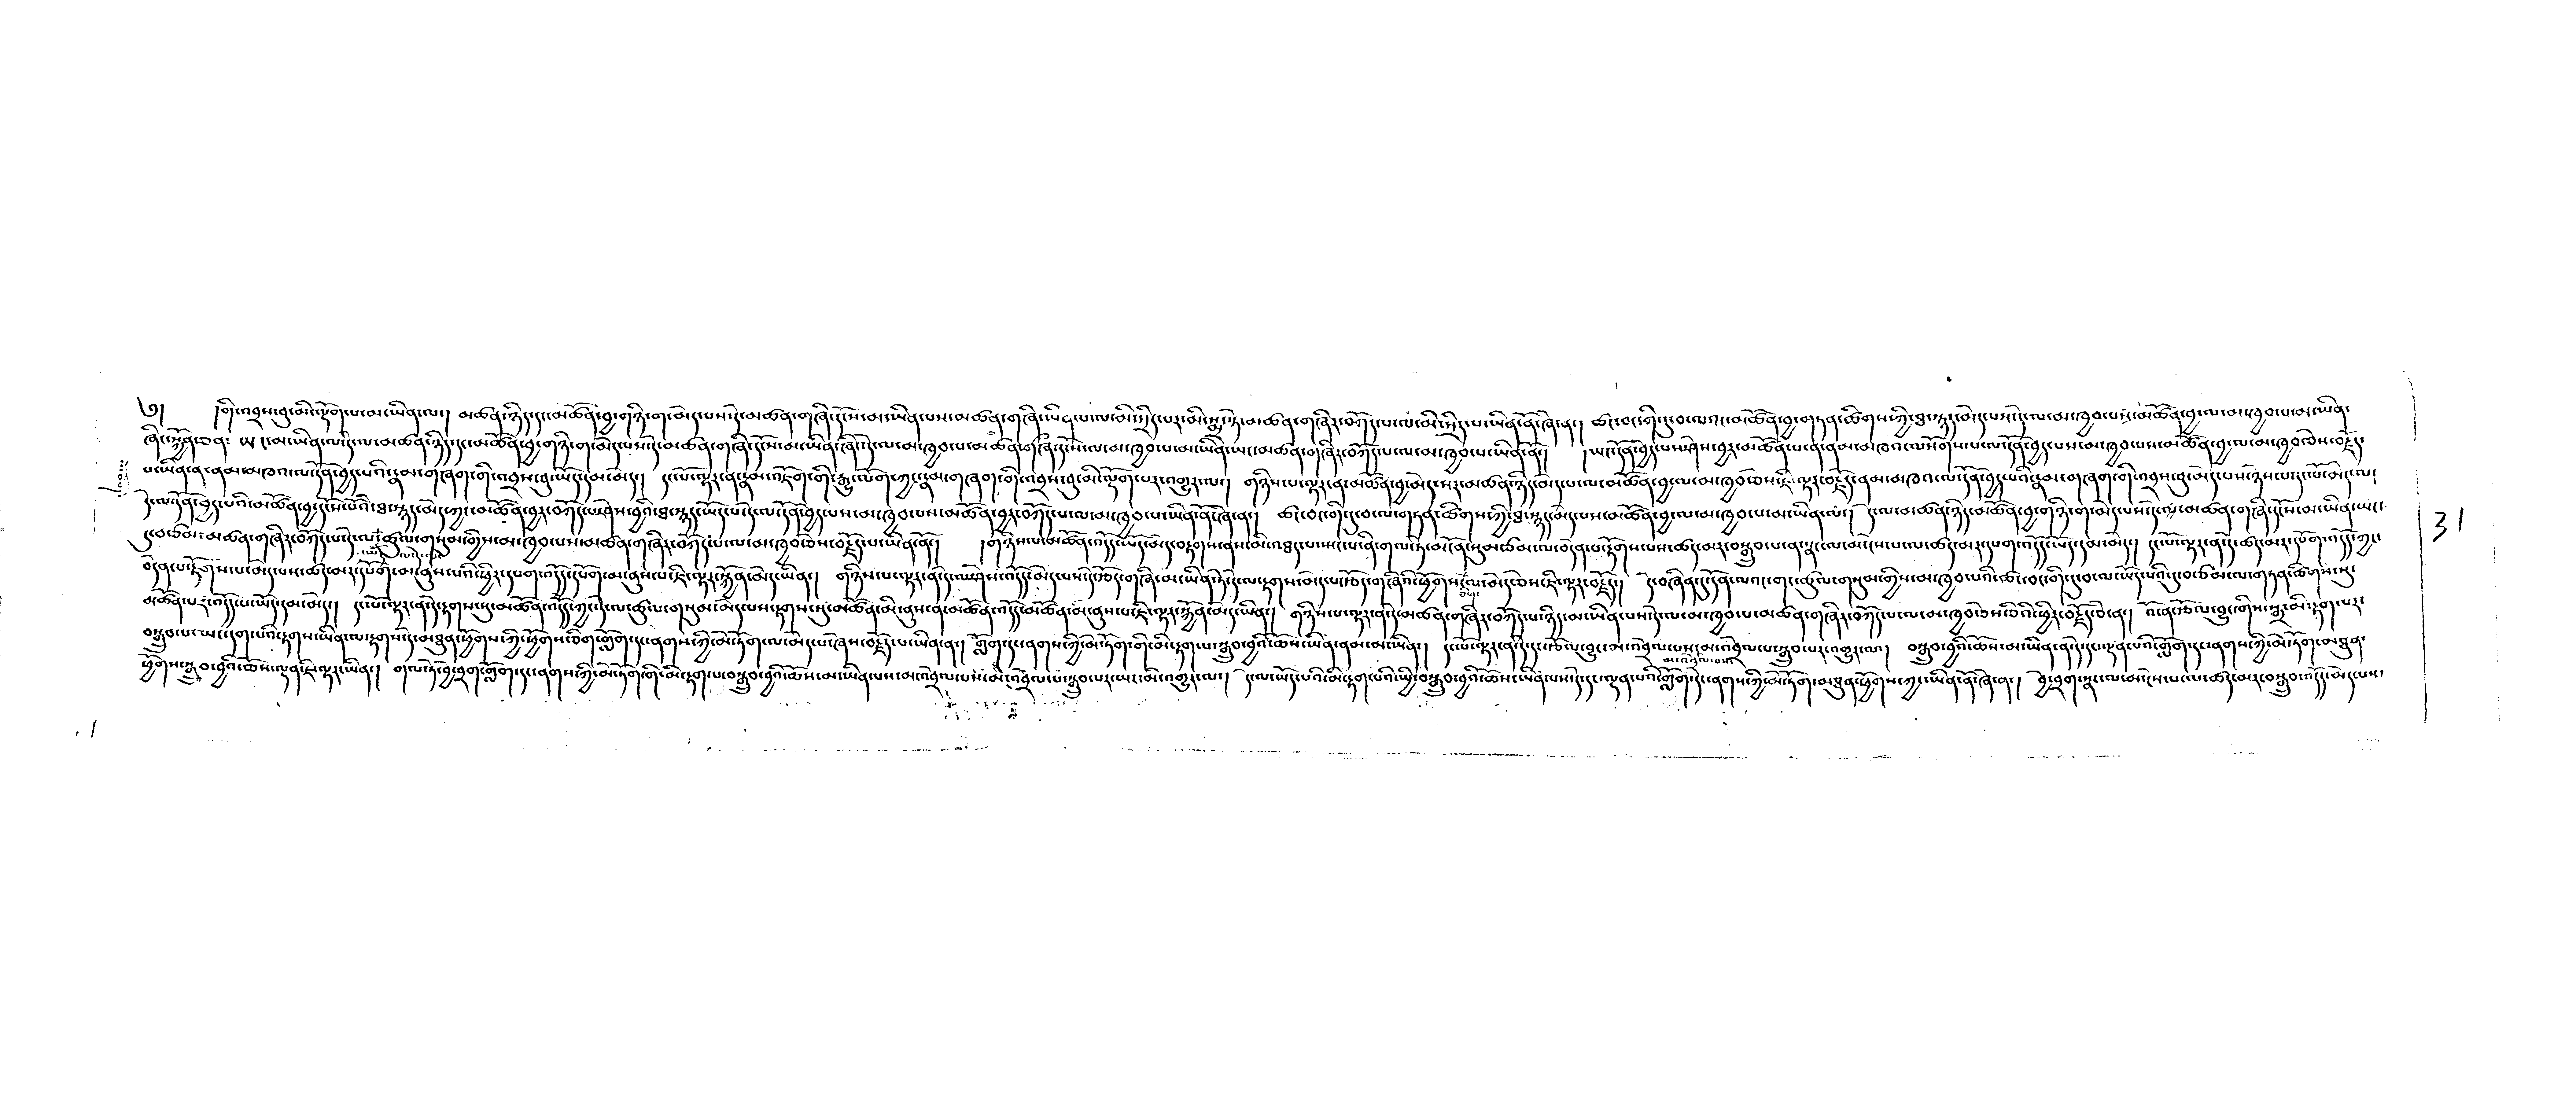༈། །གི་འབྲས་བུ་མི་ལྡོག་པ་མ་ཡིན་ལ། མཚན་ཉིད་དང་མཚོན་བྱ་གཉི་ག་མེད་པས་དེ་མཚན་གཞི་དངོས་མ་ཡིན་པས་མཚན་གཞི་ཡིན་པ་ལ་མི་སྲིད་པར་མི་སྨྲ་ཏེ་མཚན་གཞིར་བཀོད་པ་ལ་མི་སྲིད་པ་ཡིན་ནོ་ཞེ་ན། ཚང་བང་གི་དུ་བ་ལའང་མཚོན་བྱ་གཏན་ཚིགས་ཀྱི་ཐ་སྙད་མེད་པས་དེ་ལ་མ་ཁྱབ་པས་མཚོན་བྱ་ལ་མ་ཁྱབ་པ་མ་ཡིན་
ཞིང་སྐྱོན་ཅན་ཡང་མ་ཡིན་ལ་དེ་ལ་མཚན་ཉིད་དང་མཚོན་བྱ་གཉི་ག་མེད་པས་དེ་མཚན་གཞི་དངོས་མ་ཡིན་ཞི་དེ་ལ་མ་ཁྱབ་པ་མཚན་གཞི་དངོས་ལ་མ་ཁྱབ་པ་མ་ཡིན་ཡང་མཚན་གཞིར་བཀོད་པ་ལ་མ་ཁྱབ་པ་ཡིན་ནོ། །ཡང་དོན་བྱེད་པས་ཤེས་བྱར་མཚོན་པ་ན་ནམ་མཁའ་ལ་སོགས་པ་ལ་དོན་བྱེད་པས་མ་ཁྱབ་པས་མཚོན་བྱ་ལ་མ་ཁྱབ་ཅེས་བརྗོད་
པ་ཡིན་ན་ནམ་མཁའ་ལ་དོན་བྱེད་པའི་རྣམ་གཞག་གི་འབྲས་བུ་ཡོད་དམ་མེད། དང་པོ་ལྟར་ན་རྣམ་འཇོག་གི་རྒྱུ་ལོག་ཀྱང་རྣམ་གཞག་གི་འབྲས་བུ་མི་ལྡོག་པར་འགྱུར་ལ། གཉིས་པ་ལྟར་ན་མཚོན་བྱ་མེད་པར་མཚན་ཉིད་མེད་པ་ལ་མཚོན་བྱ་ལ་མ་ཁྱབ་ཅེས་ཇི་ལྟར་བརྗོད་ནམ་མཁའ་ལ་དོན་བྱེད་པའི་རྣམ་གཞག་གི་འབྲས་བུ་མེད་པས་ཉེས་པ་དང་པོ་མེད་ལ་
དེ་ལ་དོན་བྱེད་པའི་མཚོན་བྱ་དངོས་པོའི་ཐ་སྙད་མེད་ཀྱང་མཚོན་བྱར་བཀོད་པར་ཤེས་བྱའི་ཐ་སྙད་ཡོད་པ་དེ་ལ་དོན་བྱེད་པས་མ་ཁྱབ་པས་མཚོན་བྱར་བཀོད་པ་ལ་མ་ཁྱབ་པ་ཡིན་ནོ་ཞེ་ན། ཚང་བང་གི་དུ་བ་ལ་གཏན་ཚིགས་ཀྱི་ཐ་སྙད་མེད་པས་མཚོན་བྱ་ལ་མ་ཁྱབ་པ་མ་ཡིན་ལ། དེ་ལ་མཚན་ཉིད་མཚོན་བྱ་གཉི་ག་མེད་པས་དེ་ལ་མཚན་གཞི་དངོས་མ་ཡིན་ཡང་
དུ་བ་ཙམ་མཚན་གཞིར་བཀོད་པ་དེ་ལ་ཡོད་པ་དེ་ལ་ཚུལ་གསུམ་གྱིས་མ་ཁྱབ་པས་མཚན་གཞིར་བཀོད་པ་ལ་མ་ཁྱབ་ཅེས་བརྗོད་པ་ཡིན་ནོ། །གཉིས་པ་མཚོན་འདོད་ཡོད་མེད་བརྟགས་ནས་མི་འཐད་པ་སྤང་པ་ནི་གལ་ཏེ་མངོན་སུམ་ཙམ་ལ་བདེན་པ་རྟོགས་པས་ཚད་མར་བསྒྲུབ་པ་ན་སྣང་ལ་མ་ངེས་པ་ལ་ཚད་མར་དཔག་འདོད་ཡོད་དམ་མེད། དང་པོ་ལྟར་ན་དེ་ཚད་མར་དཔོག་འདོད་ཀྱང་
བདེན་པ་རྟོགས་པ་མེད་པས་ཚད་མར་དཔོག་མ་ནུས་པའི་ཕྱིར་དཔག་འདོད་དཔོག་མ་ནུས་ལ་ཇི་ལྟར་སྐྱོན་མེད་ཡིན། གཉིས་པ་ལྟར་ན་དེ་ལ་ཤེས་འདོད་མེད་པས་དེ་རྩོད་གཞི་མ་ཡིན་ཏེ་དེ་ལ་རྟགས་མེད་པ་རྩོད་གཞིའི་ཕྱོགས་ཅིག་ལ་མེད་ཅེས་ཇི་ལྟར་བརྗོད། དེ་བཞིན་དུ་དོན་ལའང་གང་ཚུལ་གསུམ་གྱིས་མ་ཁྱབ་པའི་ཚང་བང་གི་དུ་བ་ལ་ཡོད་པའི་དུ་བ་ཙམ་ལ་གཏན་ཚིགས་སུ་
མཚོན་པར་འདོད་པ་ཡོད་དམ་མེད། དང་པོ་ལྟར་ན་དེ་རྟགས་སུ་མཚོན་འདོད་ཀྱང་དེ་ལ་ཚུལ་གསུམ་མེད་པས་རྟགས་སུ་མཚོན་མི་ནུས་ན་མཚོན་འདོད་མཚོན་མ་ནུས་པ་ཇི་ལྟར་སྐྱོན་མེད་ཡིན། གཉིས་པ་ལྟར་ན་དེ་མཚན་གཞིར་བཀོད་པ་ཉིད་མ་ཡིན་པས་དེ་ལ་མ་ཁྱབ་པ་མཚན་གཞིར་བཀོད་པ་ལ་མ་ཁྱབ་ཅེས་ཅིའི་ཕྱིར་བརྗོད་ཅེ་ན། འོ་ན་རྩོལ་བྱུང་གིས་སྒྲ་མི་རྟག་པར་
བསྒྲུབ་པ་ཡང་དག་པའི་རྟགས་ཡིན་ལ་རྟགས་དེ་མཐུན་ཕྱོགས་ཀྱི་ཕྱོགས་ཅིག་གློག་དང་ནགས་ཀྱི་མེ་ཏོག་ལ་མེད་པ་ཞེས་བརྗོད་པ་ཡིན་ན། གློག་དང་ནགས་ཀྱི་མེ་ཏོག་གི་མི་རྟག་པ་སྒྲུབ་བྱའི་ཆོས་ཡིན་ནམ་མ་ཡིན། དང་པོ་ལྟར་ན་དེ་དང་རྩོལ་བྱུང་མ་འབྲེལ་པས་མ་འབྲས་བས་མ་འབྲེལ་པ་སྒྲུབ་པར་འགྱུར་ལ། བསྒྲུབ་བྱའི་ཆོས་མ་ཡིན་ན་དེ་དང་ལྡན་པའི་གློག་དང་ནགས་ཀྱི་མེ་ཏོག་མཐུན་
ཕྱོགས་སྒྲུབ་བྱའི་ཆོས་ལྡན་ཇི་ལྟར་ཡིན། གལ་ཏེ་བྱེ་བྲག་གློག་དང་ནགས་ཀྱི་མེ་ཏོག་གི་མི་རྟག་པ་བསྒྲུབ་བྱའི་ཆོས་མ་ཡིན་པས་མ་འབྲེལ་པས་མི་འབྲེལ་པ་སྒྲུབ་པར་ཡང་མི་འགྱུར་ལ། དེ་ལ་ཡོད་པའི་མི་རྟག་པའི་སྤྱི་བསྒྲུབ་བྱའི་ཆོས་ཡིན་པས་དེ་དང་ལྡན་པའི་གློག་དེ་ནགས་ཀྱི་མེ་ཏོག་མཐུན་ཕྱོགས་ཀྱང་ཡིན་ནོ་ཞེ་ན། བྱེ་བྲག་སྣང་ལ་མ་ངེས་པ་ལ་ཚད་མར་བསྒྲུབ་འདོད་མེད་པས་